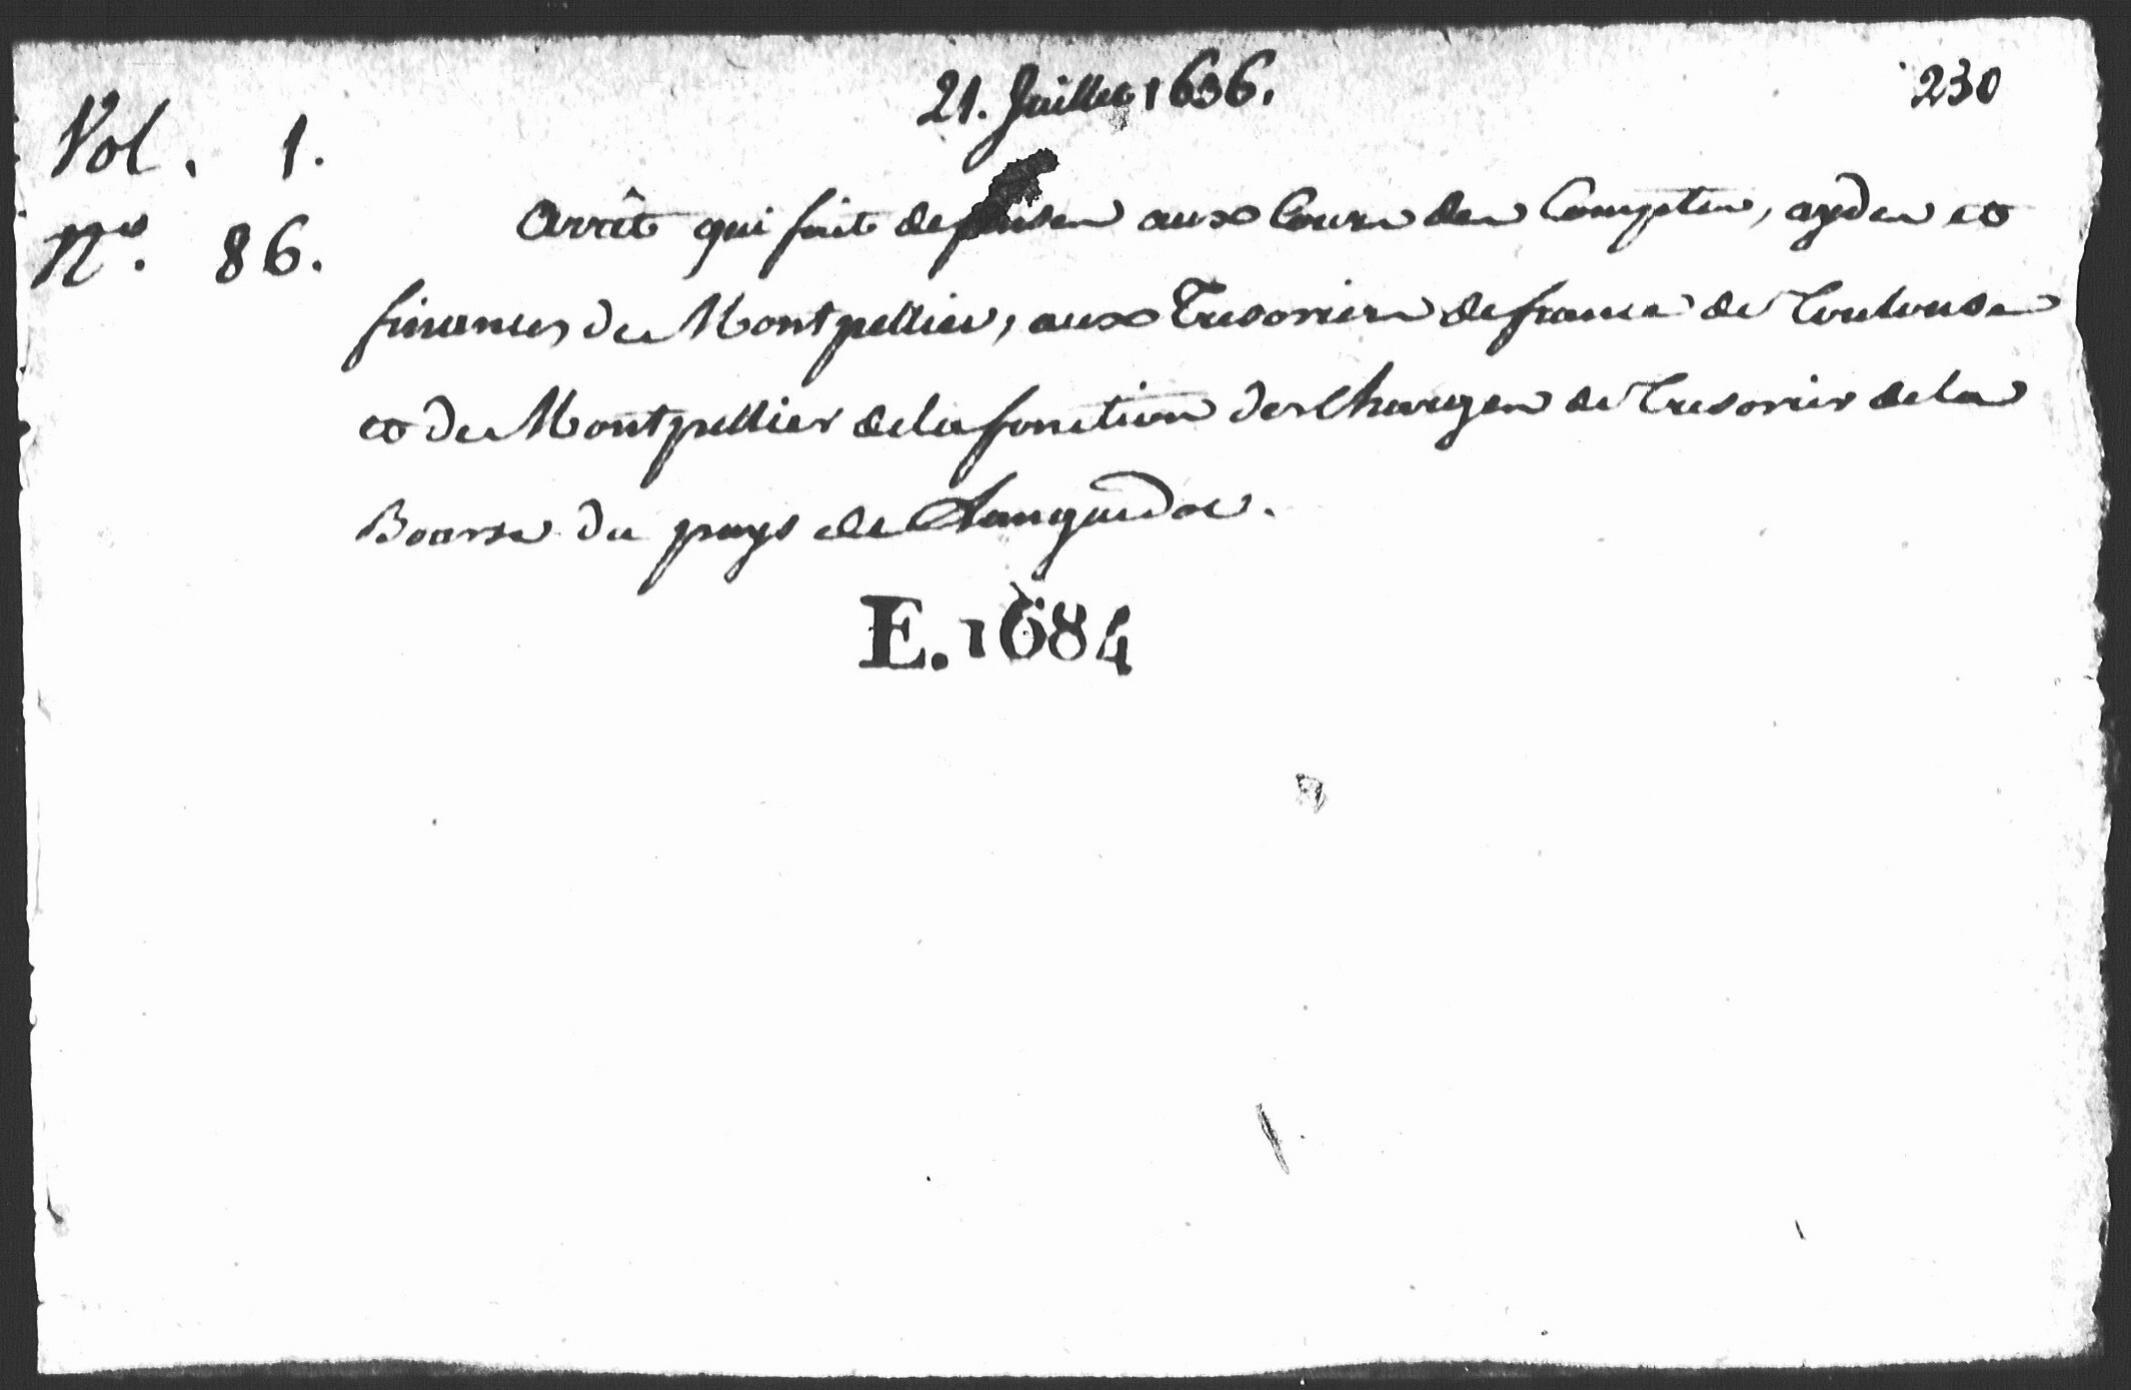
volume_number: n°86
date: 21 juillet 1636
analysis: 230
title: Arrêt qui fait defense aux Cours des Comptes, aydes et finances de Montpellier, aux Tresoriers de france de Toulouse et de Montpellier de la fonction des charges de Tresorier de la Bourse du pays de Languedoc.
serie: E
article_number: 1684
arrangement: vol. 1
